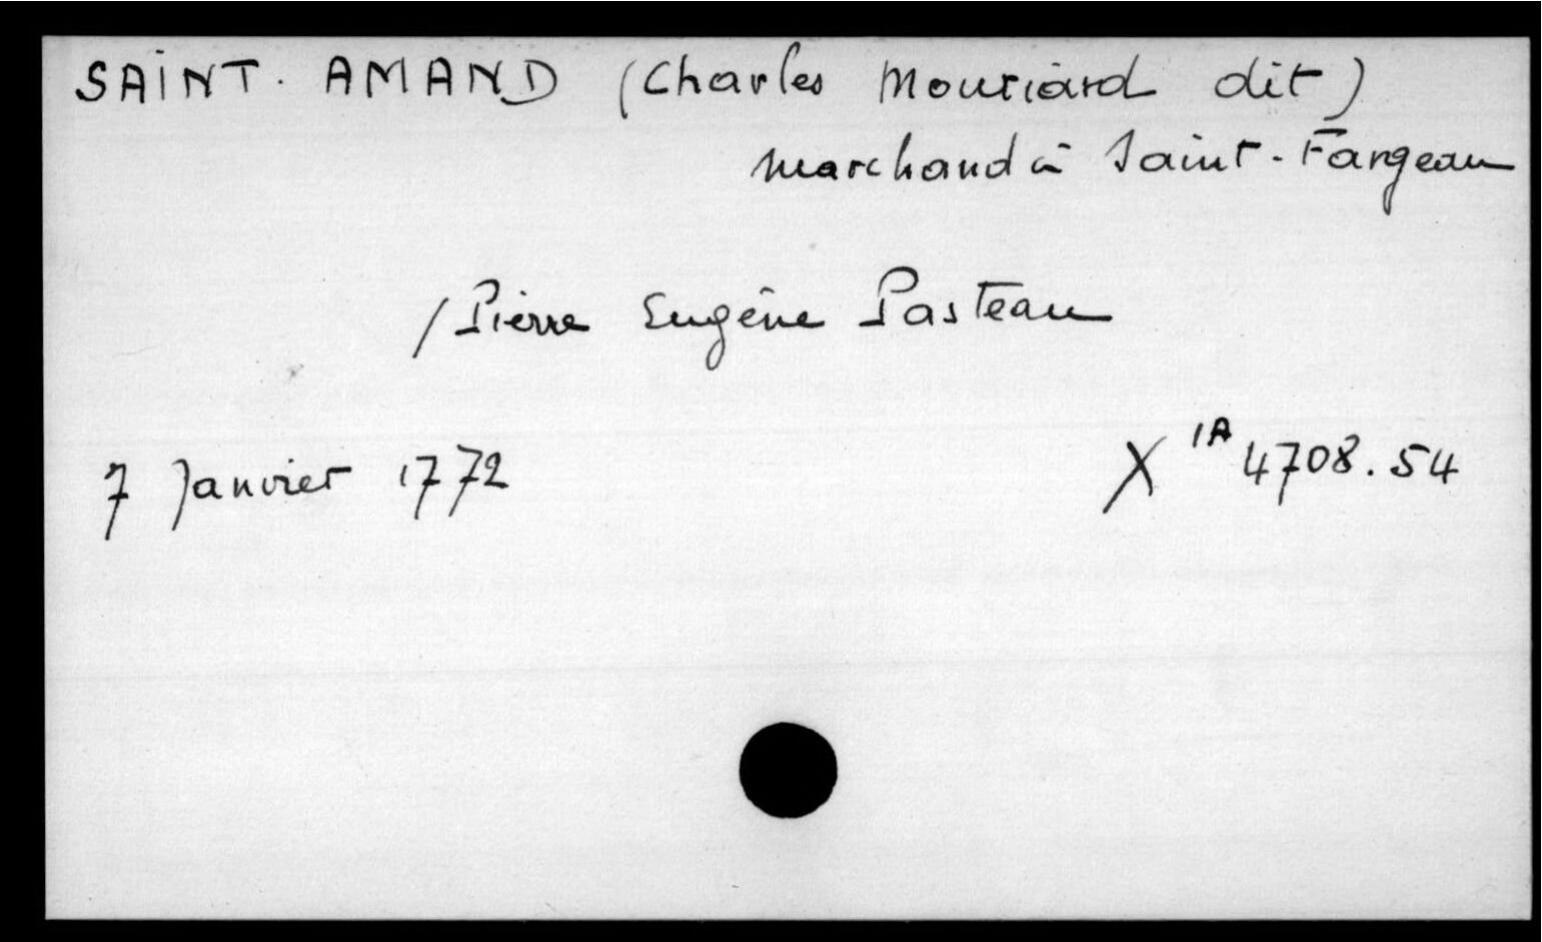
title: SAINT-AMAND (Charles Mouviard dit) marchand à Saint-Fargeau
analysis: Contre Pierre Eugène Pasteau
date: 7 janvier 1772
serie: X1A
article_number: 4708
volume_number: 54
